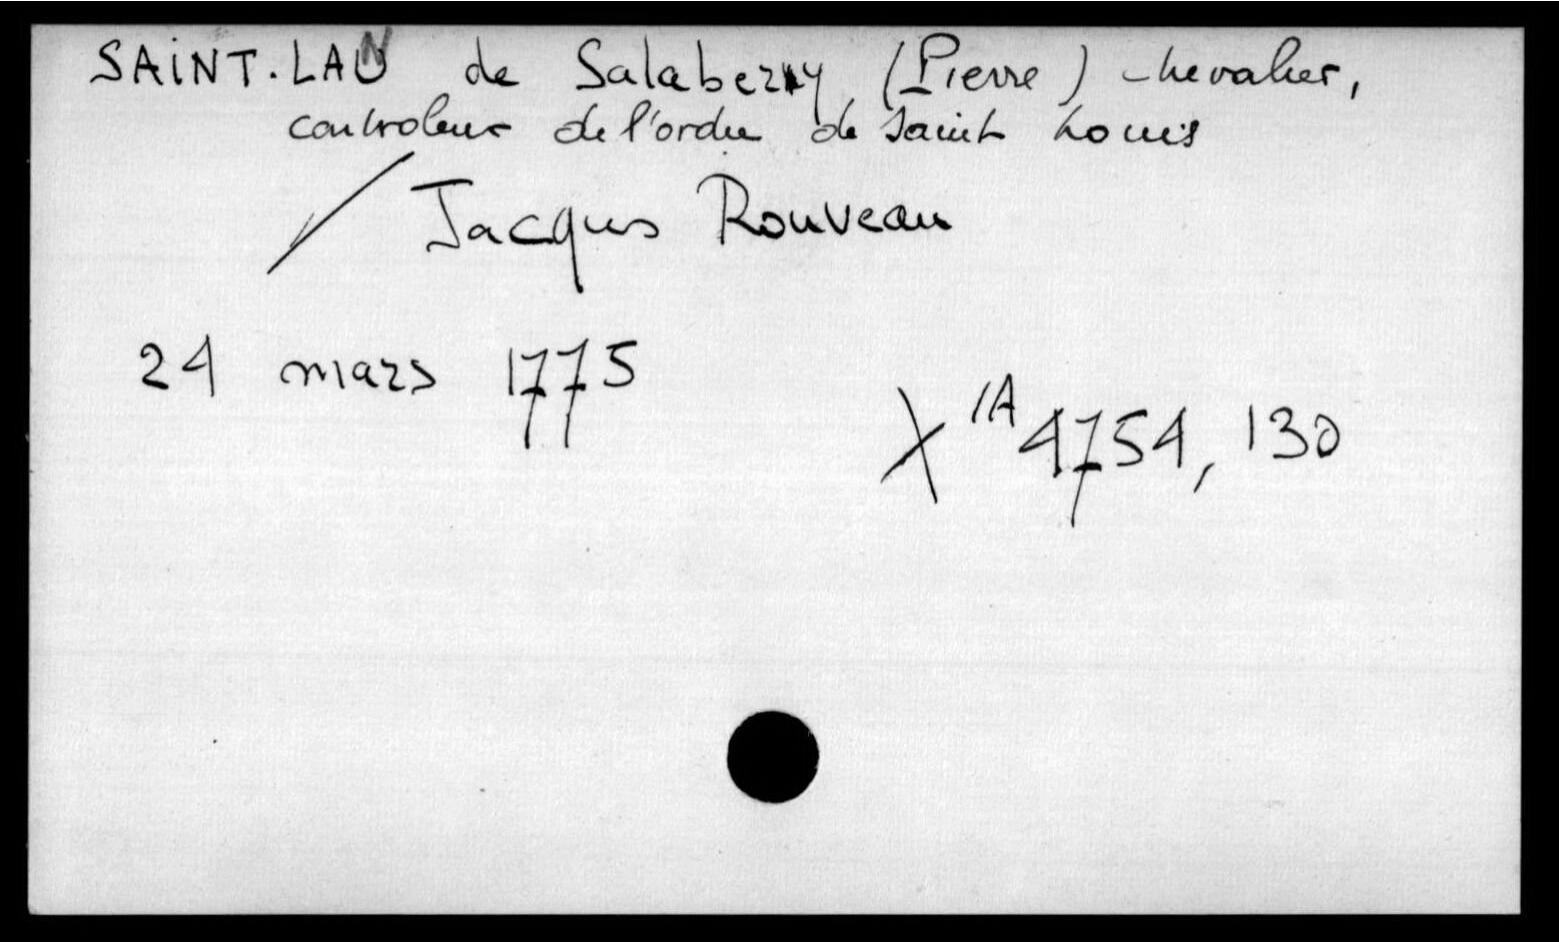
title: SAINT-LAN de Salabery (Pierre) chevalier, contrôleur de l'ordre de Saint-Louis
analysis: Contre Jacques Rouveau
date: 24 mars 1775
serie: X1A
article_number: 4754
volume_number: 130
